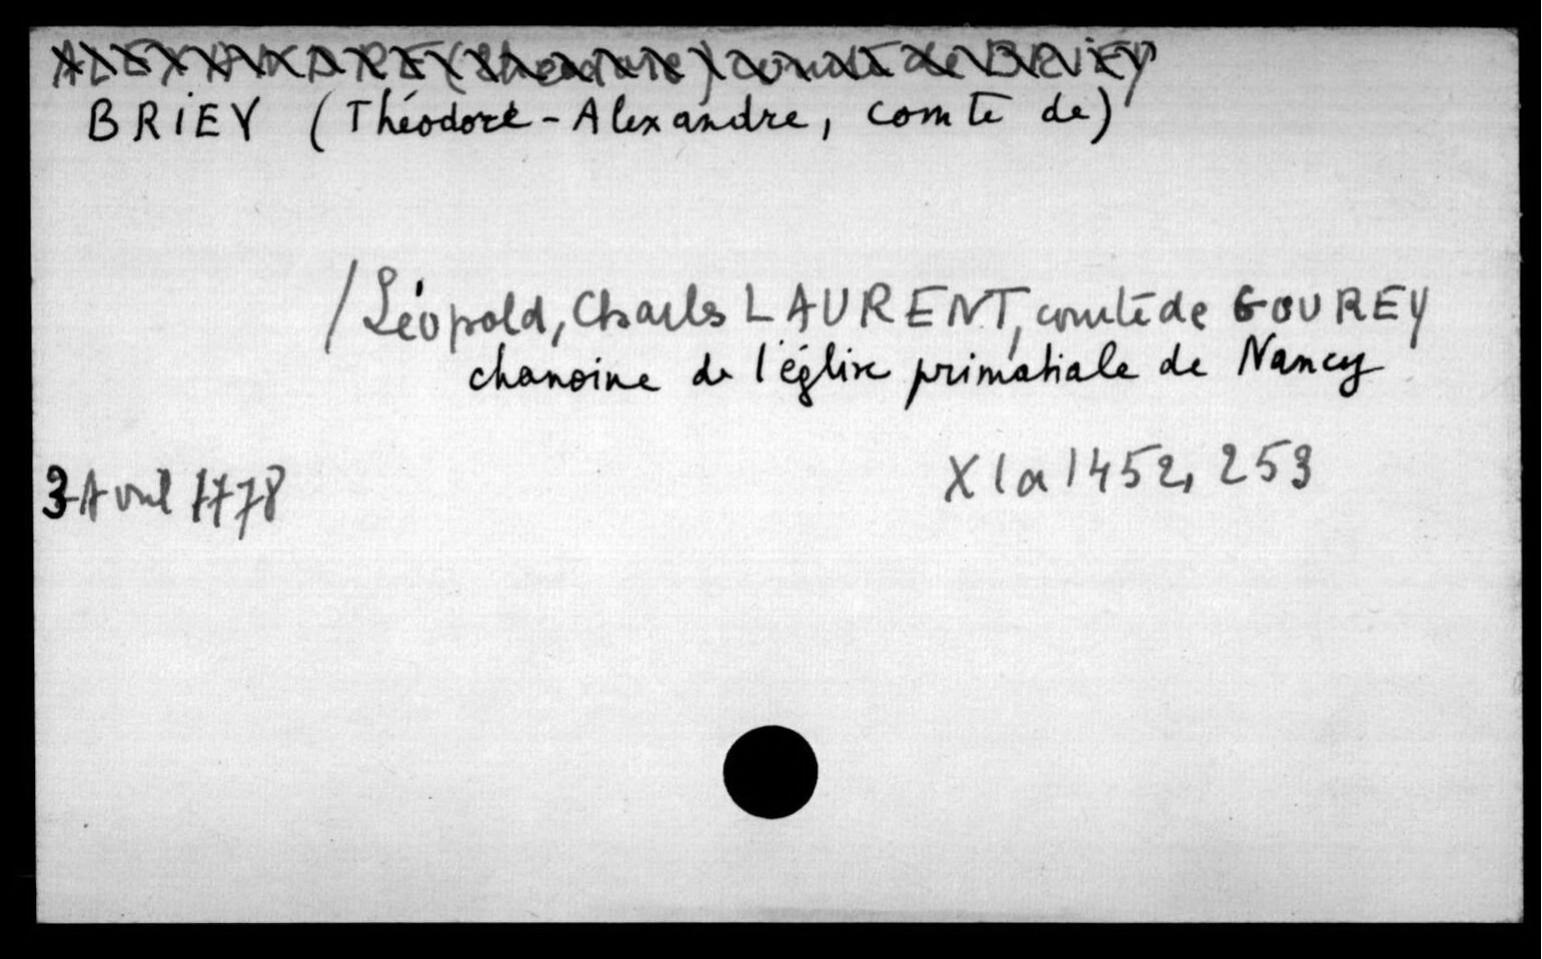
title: BRIEY (Théodore-Alexandre, comte de)
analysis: Contre Léopold, Charles LAURENT, comte de GOUREY Chanoine de l'église primatiale de Nancy
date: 3 avril 1778
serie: X1a
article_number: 1452
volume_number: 253
